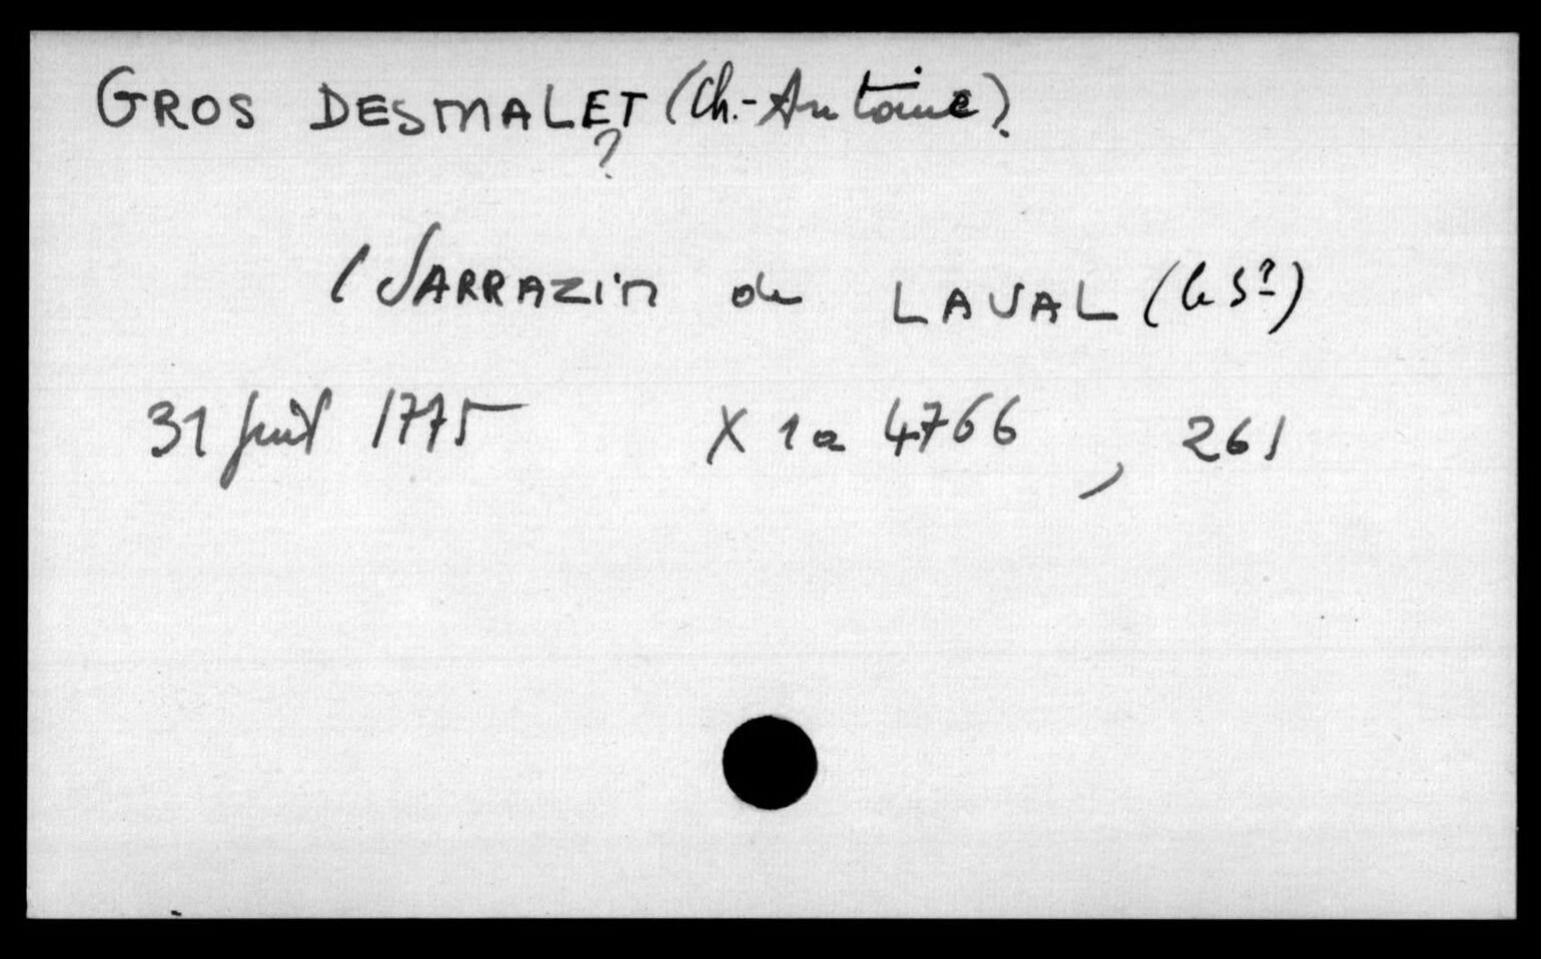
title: GROS DESMALET (Charles-Antoine)
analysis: Contre SARRAZIN de LAVAL (le sieur)
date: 31 juillet 1775
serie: X1a
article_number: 4766
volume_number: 261
